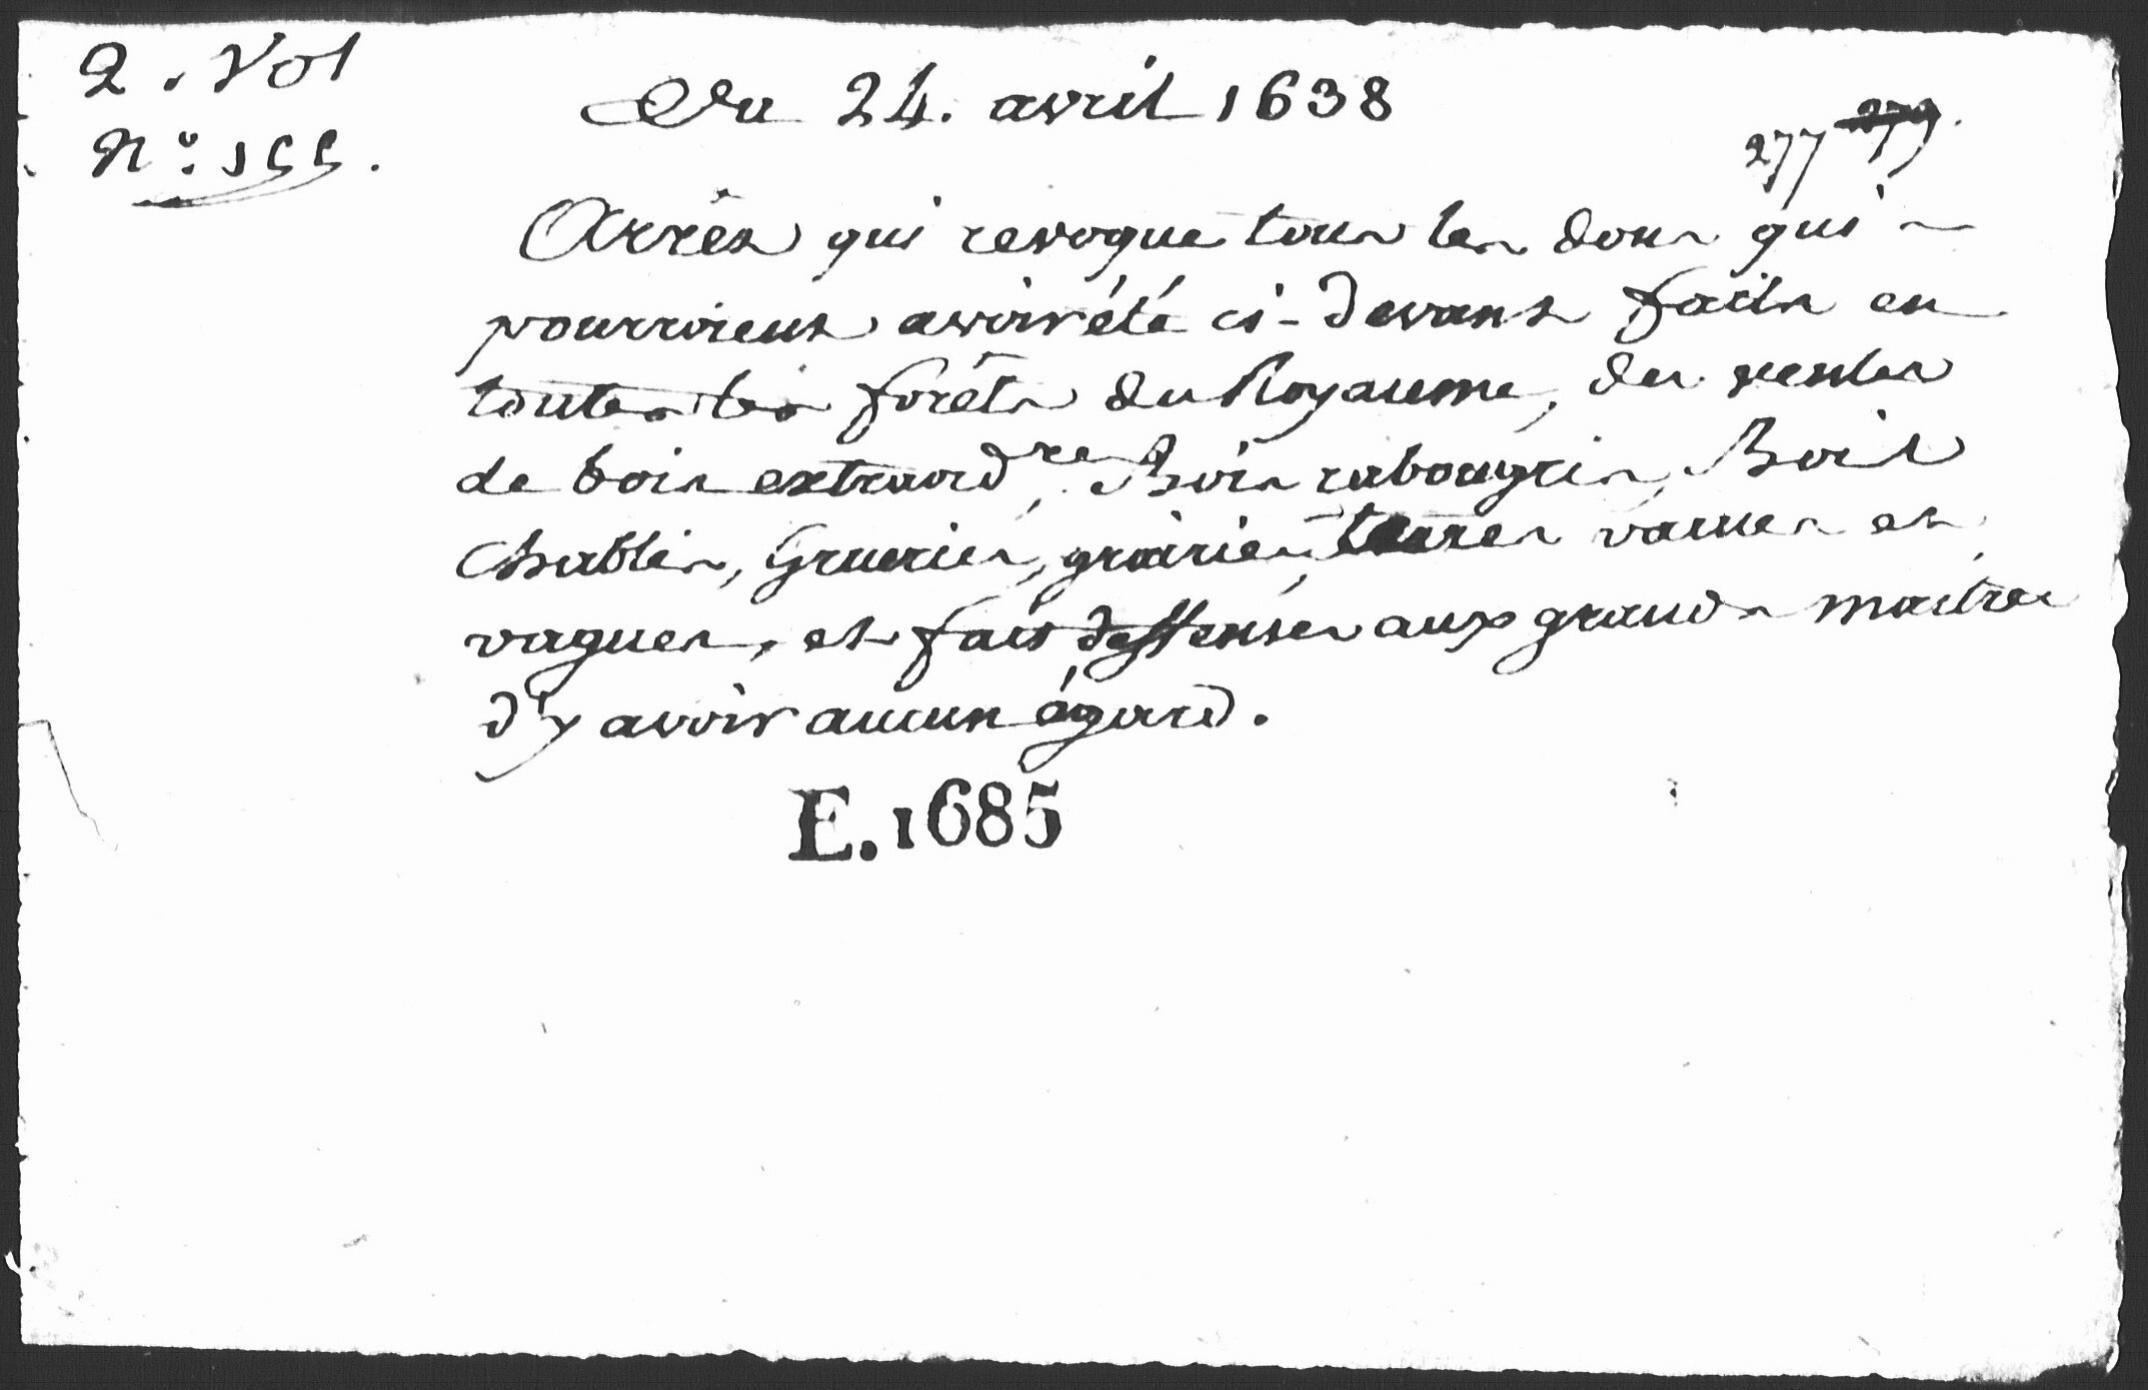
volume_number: n°155
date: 24 avril 1638
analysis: [279 barré] 277
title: Arrêt qui revoque tous les dons qui pourroient avoir été ci-devant faits en toutes les forêts du Royaume, des ventes de bois extraordre, bois rabougris, bois chablis, grueries, grairies, terres vaines et vagues, et fait deffenses aux grands maitres d'y avoir aucun égard.
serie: E
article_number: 1685
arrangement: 2. vol
